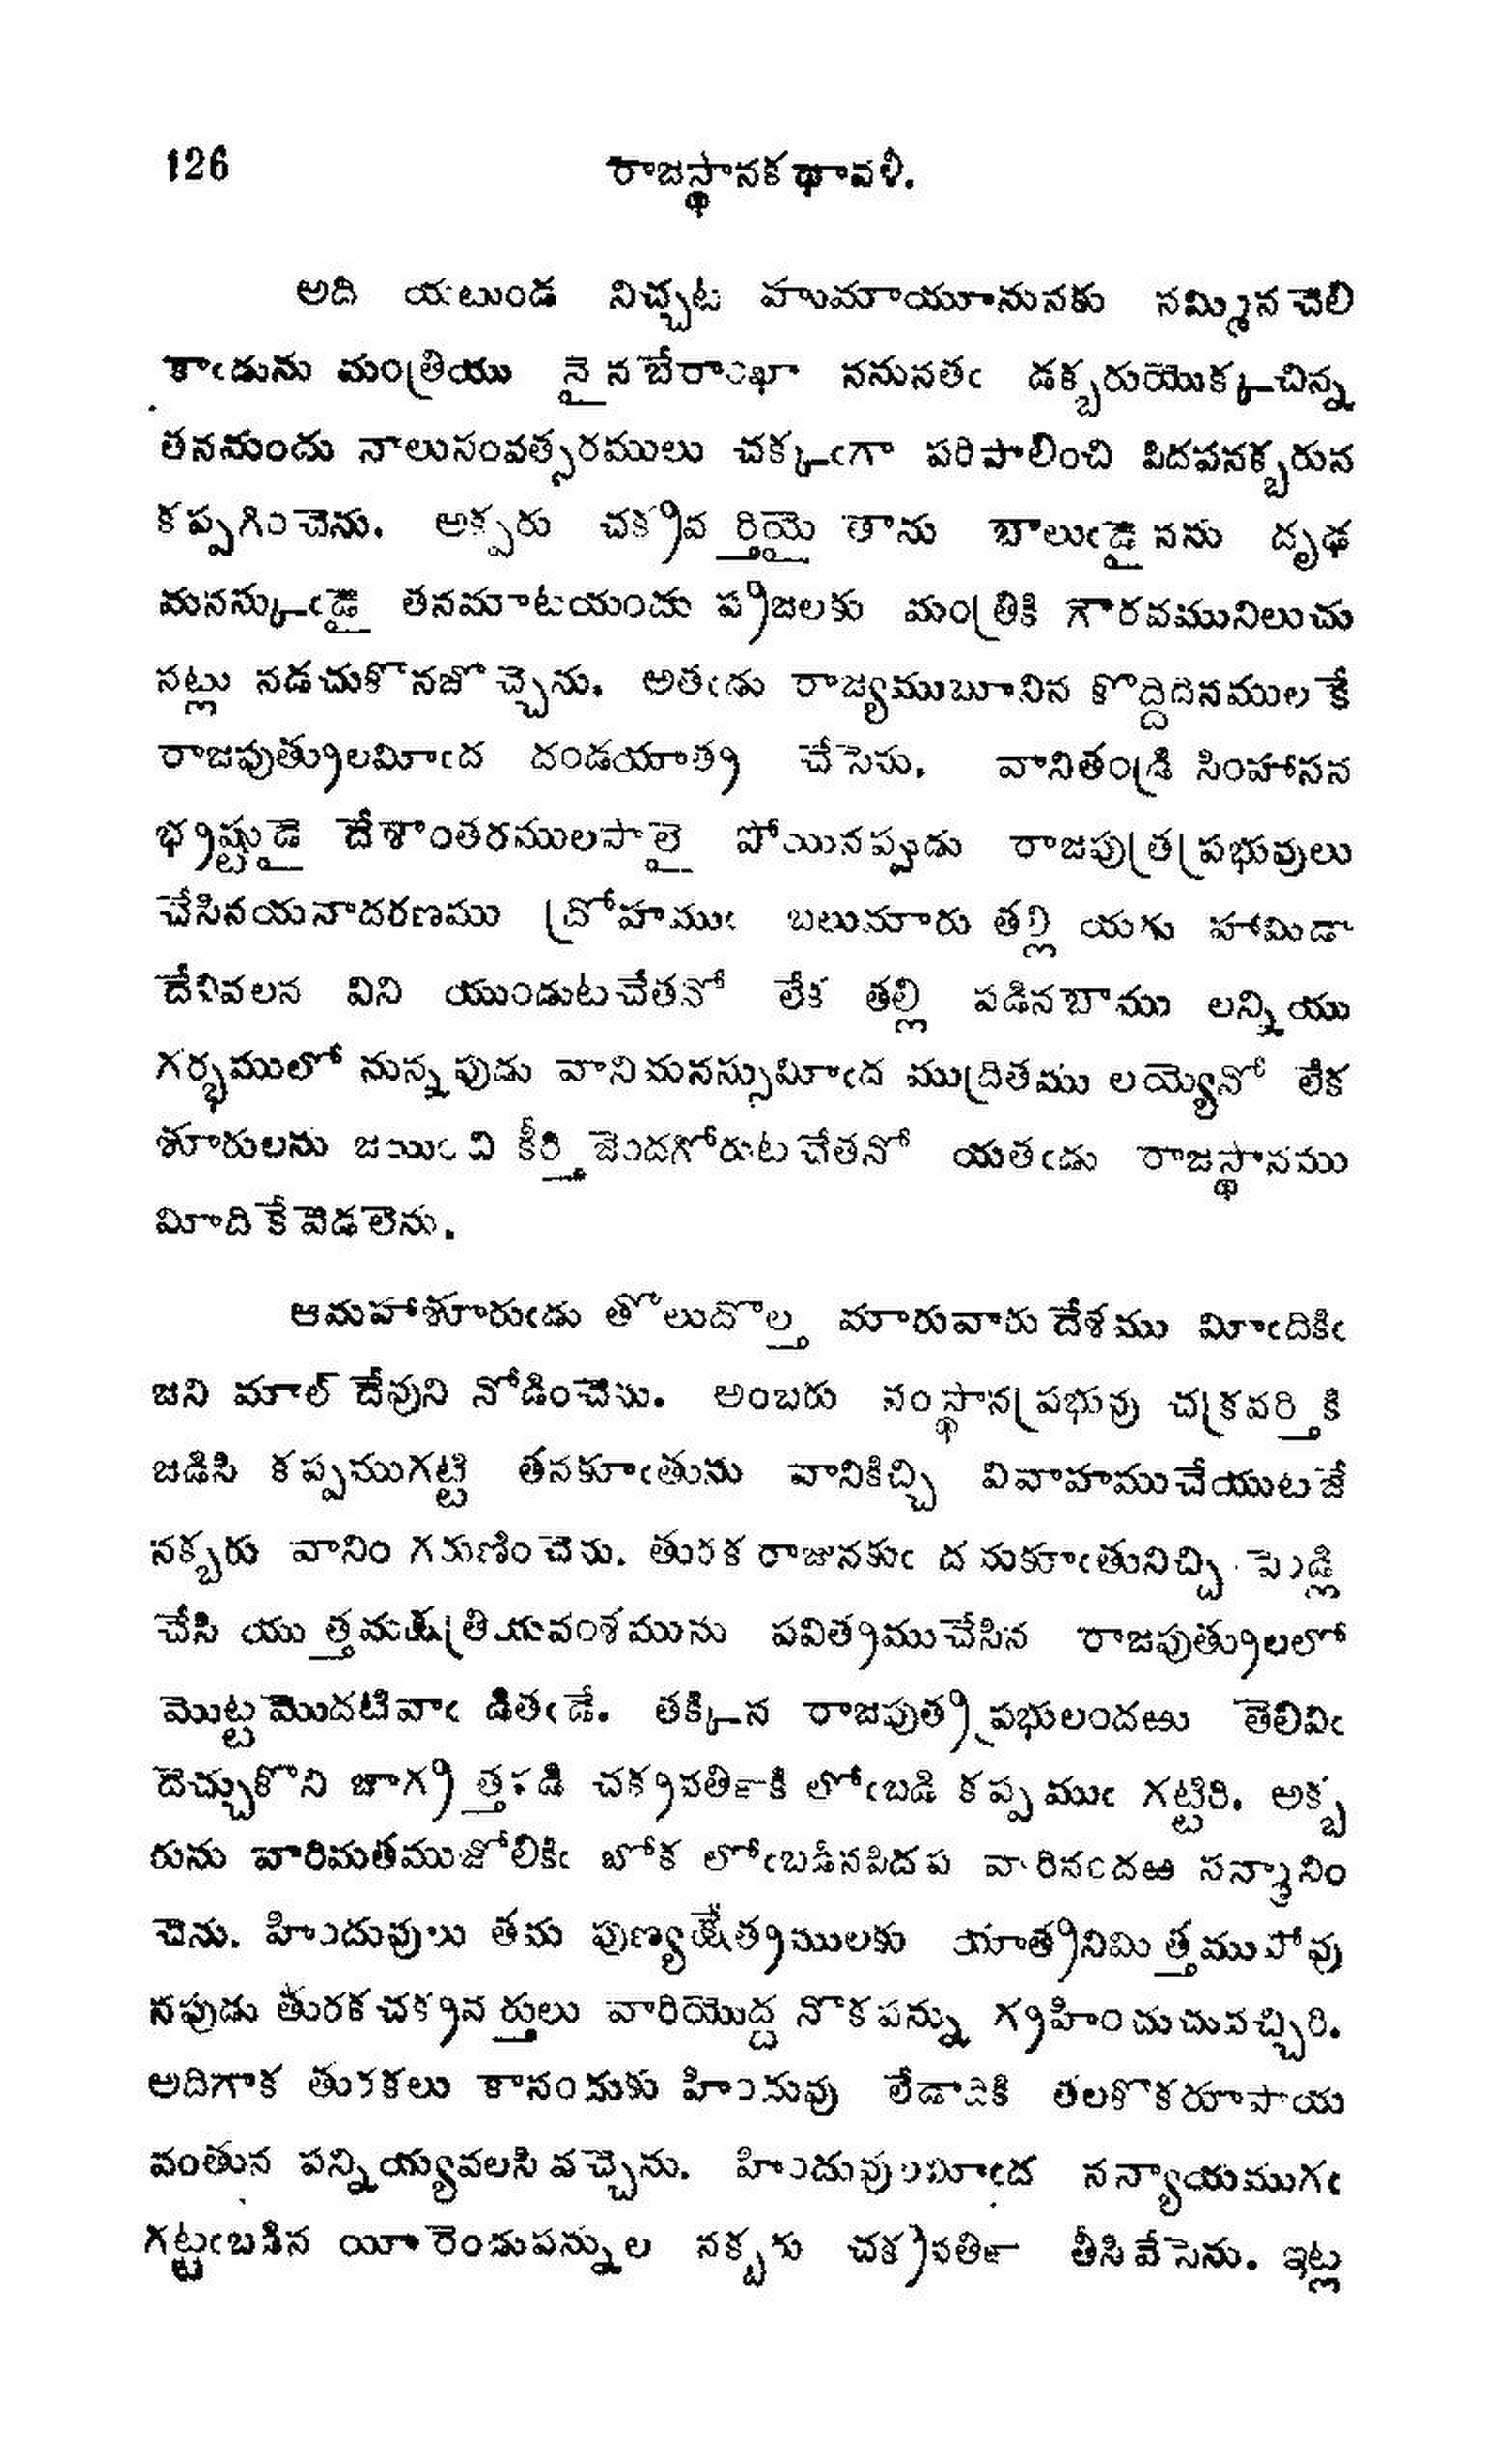అది యటుండ నిచ్చట హుమాయూనునకు నమ్మిన చెలికాఁడును మంత్రియు నైన బేరాంఖా ననునతఁ డక్బరుయొక్క చిన్న తనమందు నాలుసంవత్సరములు చక్కఁగా పరిపాలించి పిదపనక్బరున కప్పగించెను. అక్బరు చక్రవర్తియై తాను బాలుఁడై నను దృఢమనస్కుఁడై తనమాటయందు ప్రజలకు మంత్రికి గౌరవము నిలుచునట్లు నడచుకొనజోచ్చెను. అతఁడు రాజ్యముబూనిన కొద్దిదినములకే రాజపుత్రుల మీఁద దండయాత్ర చేసెను, వాని తండ్రి సింహాసనభ్రష్టుడై దేశాంతరముల పాలై పోయినప్పుడు రాజపుత్ర ప్రభువులు చేసిన యనాదరణము ద్రోహముఁ బలుమారు తల్లి యగు హామిడాదేవివలన విని యుండుట చేతనో లేక తల్లి పడిన బాము లన్నియు గర్భములో నున్నపుడు వాని మనస్సుమీఁద ముద్రితము లయ్యెనో లేక శూరులను జయించి కీర్తి జెందగోరుట చేతనో యతఁడు రాజస్థానము మీదికే వెడలెను.

ఆమహాశూరుఁడు తొలుదొల్త మారువారు దేశము మీఁదికి జని మాల్ దేవుని నోడించెను. అంబరు సంస్థాన ప్రభువు చక్రవర్తికి జడిసి కప్పముగట్టి తనకూఁతును వానికిచ్చి వివాహము చేయుటజే నక్బరు వానిం గరుణించెను. తురక రాజునకుఁ దమకూఁతునిచ్చి పెండ్లి చేసి యుత్తమ క్షత్రియవంశమును పవిత్రము చేసిన రాజపుత్రులలో మొట్ట మొదటి వాఁ డితఁడే. తక్కిన రాజపుత్ర ప్రభులందఱు 'తెలివిఁ దెచ్చుకొని జాగ్రత్తపడి చక్రవతి౯కి లోఁబడి కప్పముఁ గట్టిరి. అక్బరును వారిమతము జోలికిఁ బోక లోఁబడిన పిదప వారినఁదఱ సన్మానించెను. హిందువులు తమ పుణ్య క్షేత్రములకు యాత్రనిమిత్తము పోవునపుడు తురక చక్ర వర్తులు వారియొద్ద నొక పన్ను గ్రహించుచువచ్చిరి.
అదిగాక తురకలు కానందుకు హిందువు లేడాదికి తలకొక రూపాయ వంతున పన్నియ్యవలసి వచ్చెను. హిందువుల మీద నన్యాయముగఁ
గట్టఁబడిన యీ రెండు పన్నుల నక్బరు చక్రవతి౯ తీసివేసెను. ఇట్ల